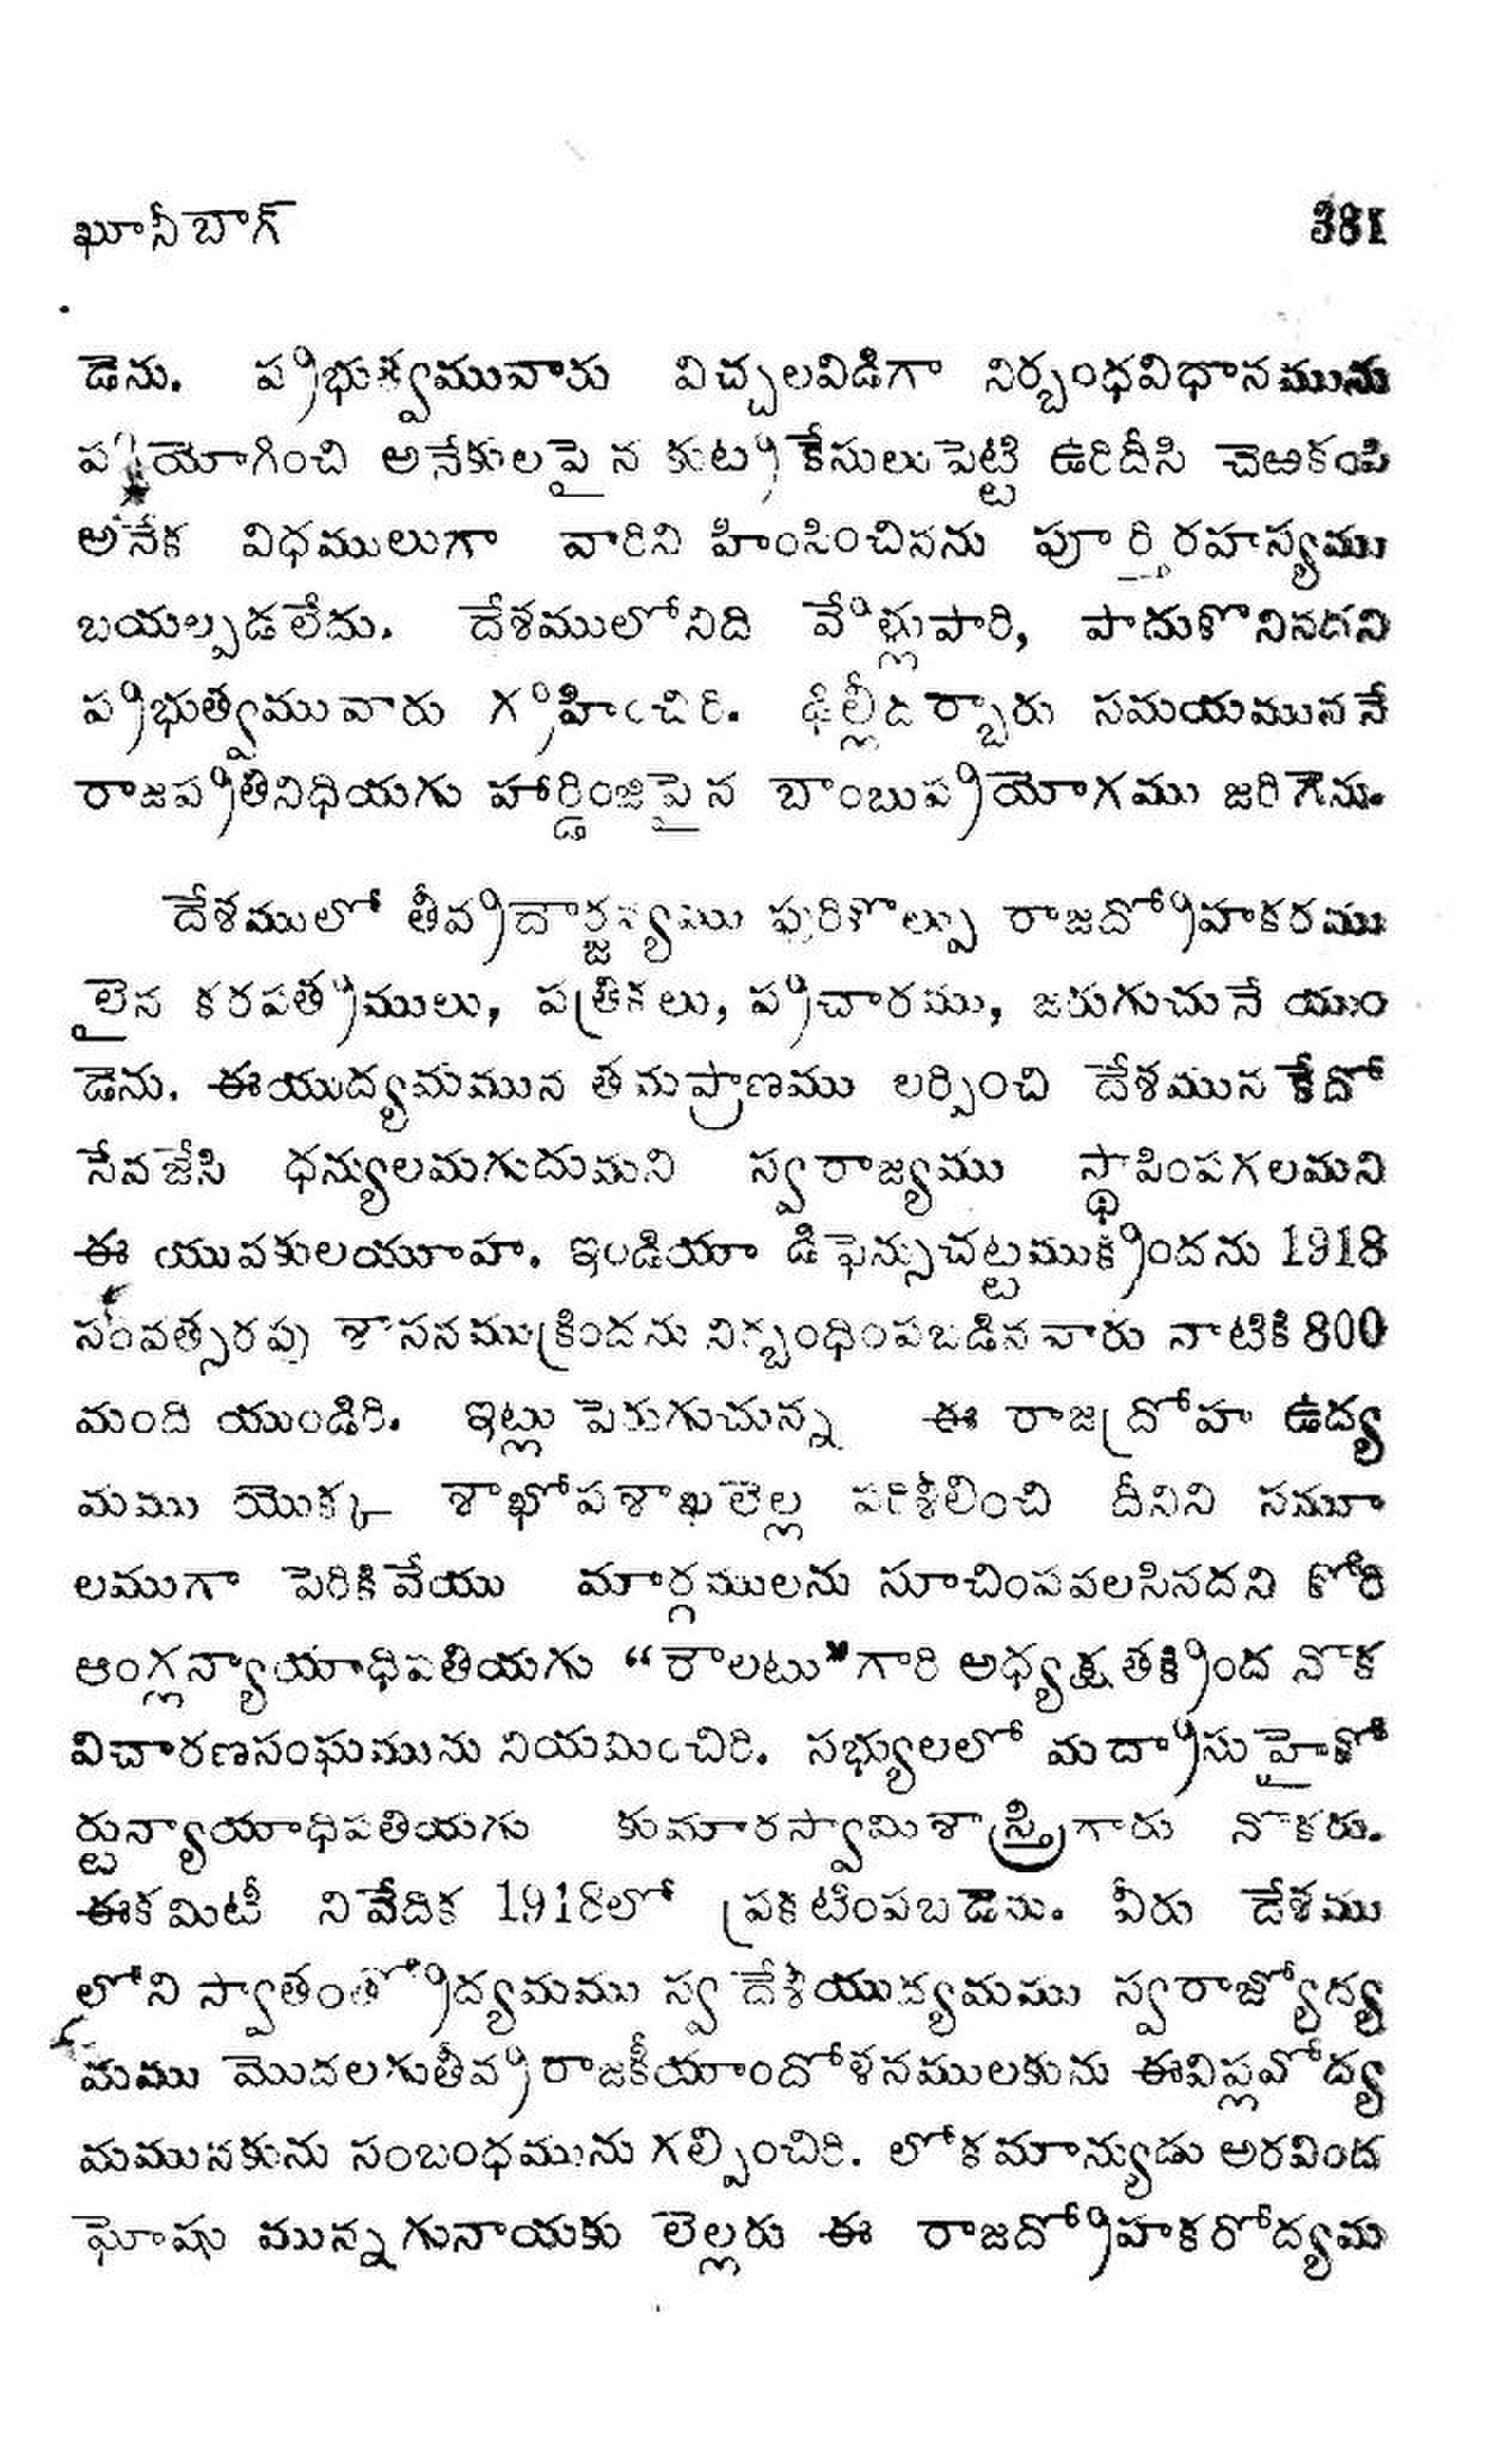డెను. ప్రభుత్వమువారు విచ్చలవిడిగా నిర్బంధవిధానమును ప్రయోగించి అనేకులపైన కుట్రకేసులుపెట్టి ఉరిదీసి చెఱకంపి అనేక విధములుగా వారిని హింసించినను పూర్తిరహస్యము బయల్పడలేదు. దేశములోనిది వ్రేళ్లుపారి, పాదుకొనినదని ప్రభుత్వమువారు గ్రహించిరి. ఢిల్లీదర్బారు సమయముననే రాజప్రతినిధియగు హార్డింజిపైన బాంబుప్రయోగము జరిగెను.

దేశములో తీవ్రదౌర్జన్యము పురికొల్పు రాజద్రోహకరములైన కరపత్రములు, పత్రికలు, ప్రచారము, జరుగుచునే యుండెను. ఈ యుద్యమమున తమప్రాణము లర్పించి దేశమున కేదో సేవజేసి ధన్యులమగుదుమని స్వరాజ్యము స్థాపింపగలమని ఈ యువకులయూహ. ఇండియా డిఫెన్సుచట్టముక్రిందను 1918 సంవత్సరపు శాసనముక్రిందను నిర్బంధింపబడినవారు నాటికి 800 మంది యుండిరి. ఇట్లు పెరుగుచున్న ఈ రాజద్రోహ ఉద్యమము యొక్క శాఖోపశాఖలెల్ల పరిశీలించి దీనిని సమూలముగా పెరికివేయు మార్గములను సూచింపవలసినదని కోరి ఆంగ్లన్యాయాధిపతియగు "రౌలటు"గారి అధ్యక్షతక్రింద నొక విచారణసంఘమును నియమించిరి. సభ్యులలో మద్రాసు హైకోర్టున్యాయాధిపతియగు కుమారస్వామిశాస్త్రిగారు నొకరు. ఈకమిటీ నివేదిక 1918లో ప్రకటింపబడెను. వీరు దేశములోని స్వాతంత్ర్యోద్యమము స్వదేశీయుద్యమము స్వరాజ్యోద్యమము మొదలగుతీవ్ర రాజకీయాందోళనములకును ఈవిప్లవోద్యమమునకును సంబంధమును గల్పించిరి. లోకమాన్యుడు అరవిందఘోషు మున్నగునాయకు లెల్లరు ఈ రాజద్రోహకరోద్యమ